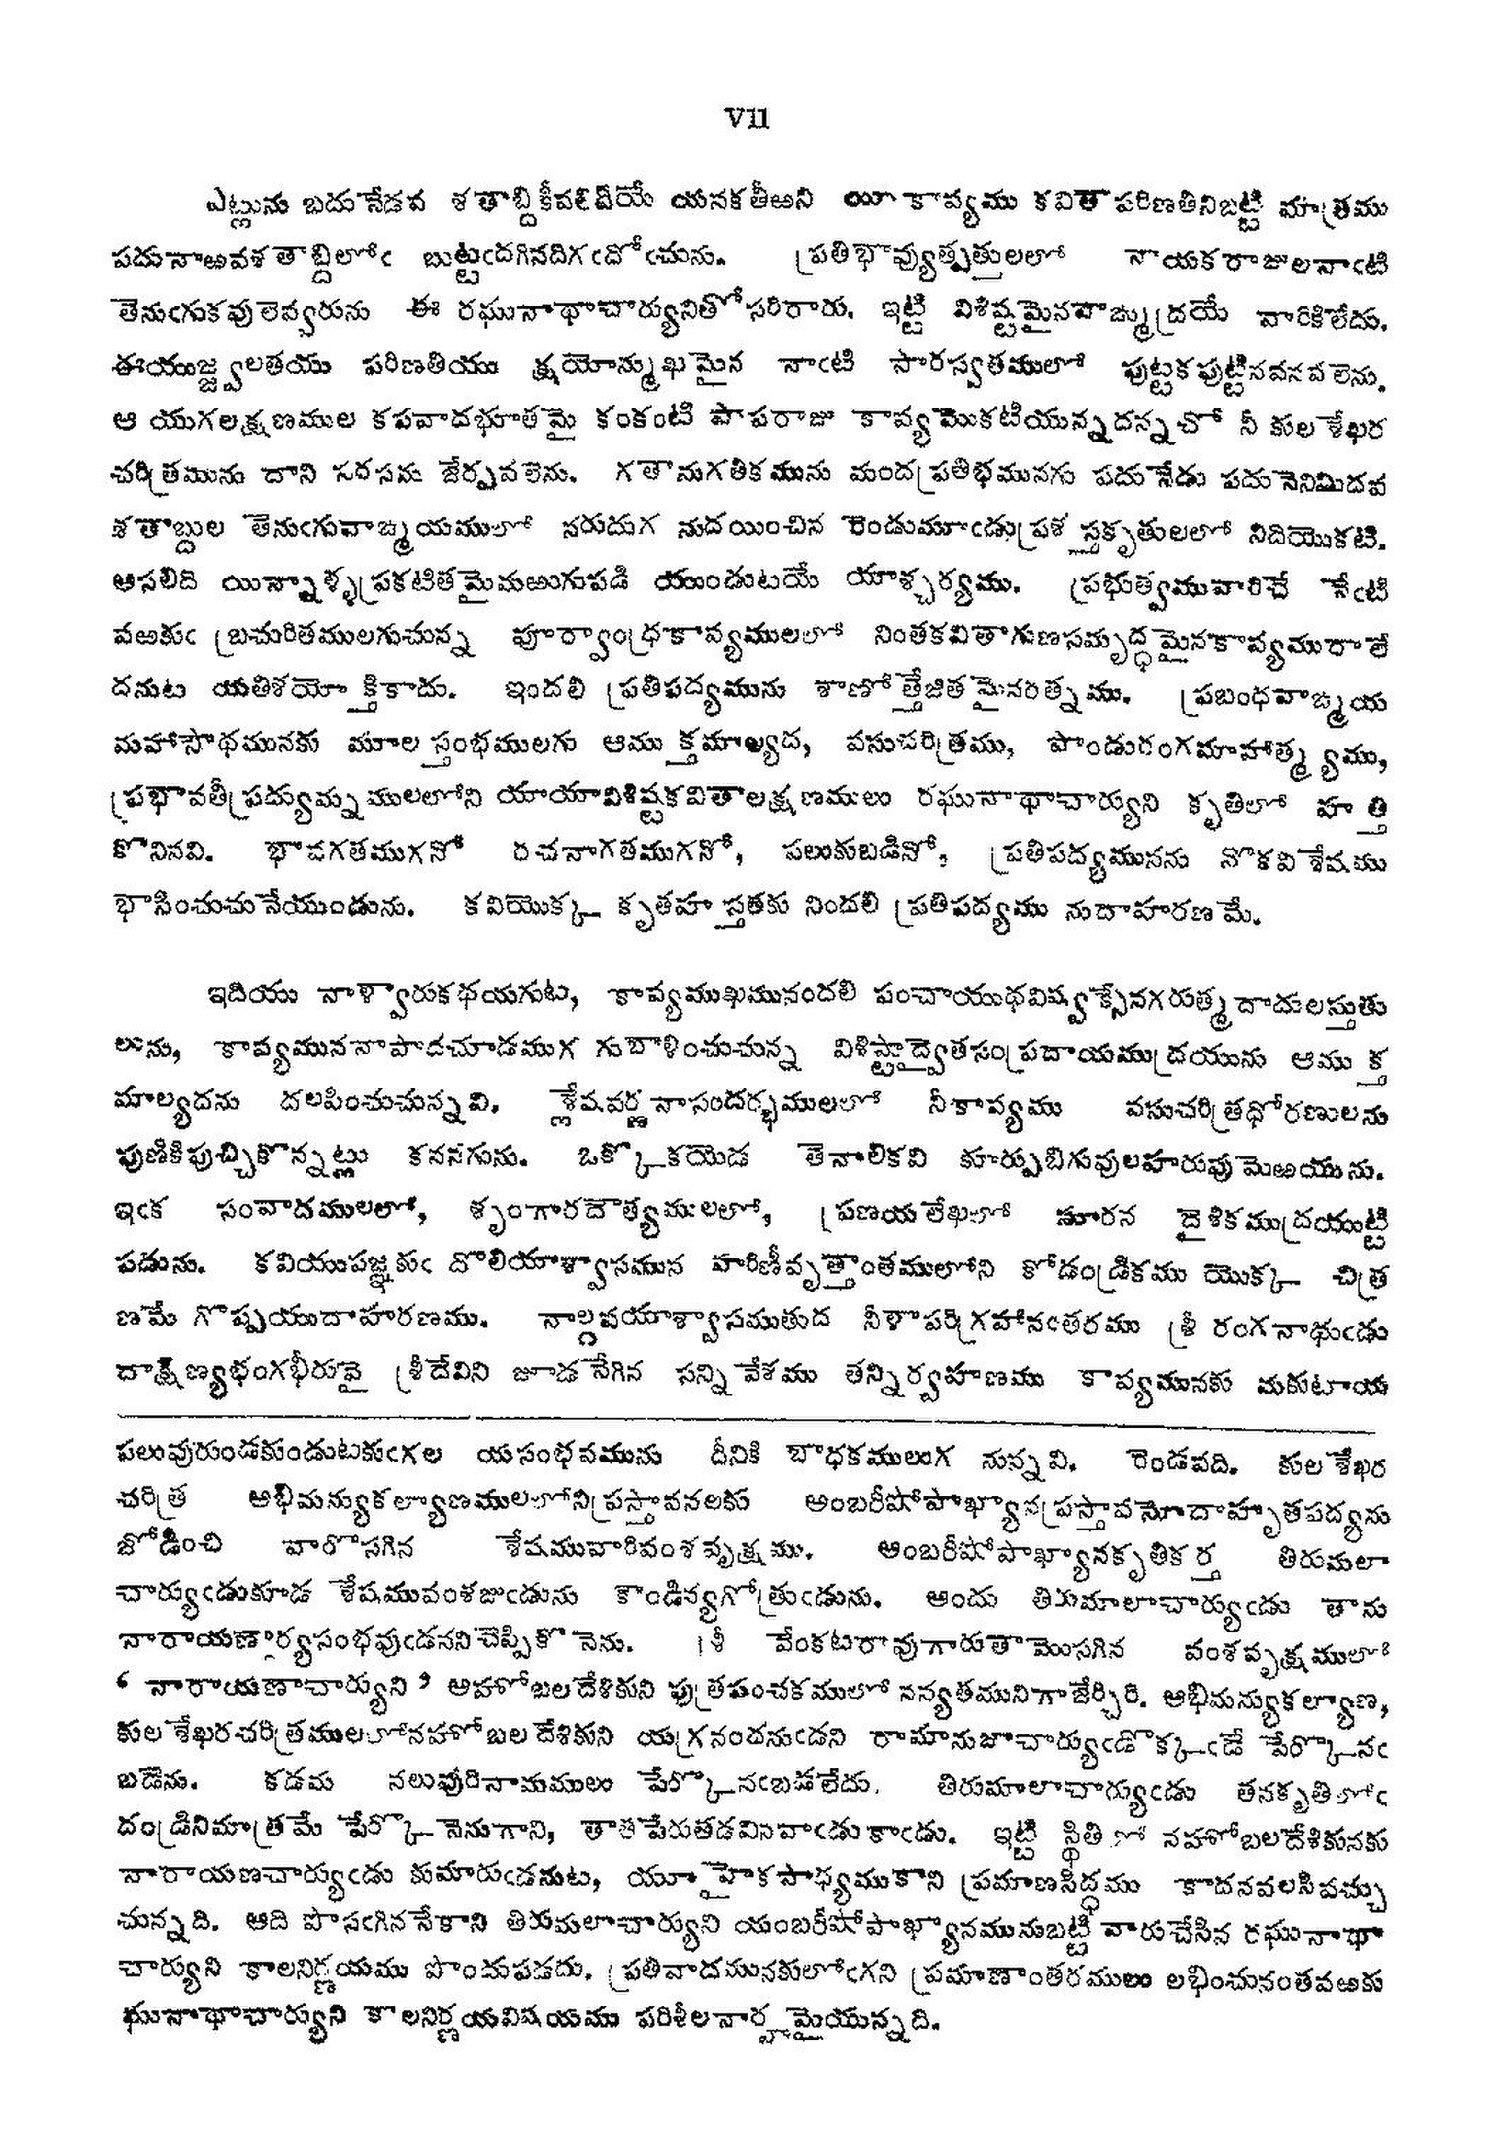ఎట్లును బదునేడవ శతాబ్ది కీవలిదియే యనకతీఱని యీకావ్యము కవితాపరిణతినిబట్టి మాత్రము పదునాఱవశతాబ్దిలోఁ బుట్టఁదగినదిగఁ దోఁచును. ప్రతిభావ్యుత్పత్తులలో నాయకరాజులనాటి తెనుఁగుకవులెవ్వరును రఘునాథాచార్యునితో సరిరారు. ఇట్టి విశిష్టమైనవాఙ్ముద్రయే వారికి లేదు. ఈయుజ్జ్వలతయు పరిణతియు క్షయోన్ముఖమైన నాఁటి సారస్వతములో పుట్టకపుట్టిన వనవలెను. ఆ యుగలక్షణముల కపవాదభూత మై కంకంటి పాపరాజు కావ్య మొకటి యున్నదన్నచో నీ కులశేఖరచరిత్రమును దాని సరసను జేర్పవలెను. గతానుగతికమును మందప్రతిభము నగు పదునేడు పదునెనిమిదవ శతాబ్దుల తెనుఁగువాఙ్మయములో నరుదుగ నుదయించిన రెండుమూఁడు ప్రశస్తకృతులలో నిది యొకటి. అస లిది యిన్నా ళ్ళప్రకటితమై మఱుగుపడి యుండుటయే యాశ్చర్యము. ప్రభుత్వమువారిచే నేఁటివఱకుఁ బ్రచురితములగుచున్న పూర్వాంధ్రకావ్యములలో నింతకవితాగుణసమృద్ధమైన కావ్యము రాలే దనుట యతిశయోక్తి కాదు. ఇందలి ప్రతిపద్యమును శాణోత్తేజిత మైనరత్నము. ప్రబంధవాఙ్మయమహాసౌధమునకు మూలస్తంభములగు ఆముక్తమాల్యద, వసుచరిత్రము, పాండురంగమాహాత్మ్యము, ప్రభావతీప్రద్యుమ్నములలోని యాయా విశిష్టకవితాలక్షణములు రఘునాథాచార్యుని కృతిలో హత్తికొనినవి. భావగతముగనో రచనాగతముగనో, పలుకుబడినో, ప్రతిపద్యమునను నొకవిశేషము భాసించుచునేయుండును. కవియొక్క కృతహస్తతకు నిందలి ప్రతిపద్యము నుదాహరణమే.

ఇదియు నాళ్వారుకథ యగుట, కావ్యముఖమునందలి పంచాయుధవిష్వక్సేనగరుత్మదాదులస్తుతులును, కావ్యమున నాపాదచూడముగ గుబాళించుచున్న విశిష్టాద్వైతసంప్రదాయముద్రయును ఆముక్తమాల్యదను దలపించుచున్నవి. శ్లేషవర్ణనాసందర్భములలో నీకావ్యము వసుచరిత్రధోరణులను పుణికి పుచ్చికొన్నట్లు కననగును. ఒక్కొకయెడ తెనాలికని కూర్పుబిగువులహరువు మెఱయును. ఇఁక సంవాదములలో, శృంగారదౌత్యములలో, ప్రణయలేఖలో సూరన దైశికముద్ర యుట్టిపడును. కవియుపజ్ఞకుఁ దొలియాశ్వాసమున హరిణీవృత్తాంతములోని కోడండ్రికముయొక్క చిత్రణమే గొప్పయుదాహరణము. నాల్గవయాశ్వాసముతుద నీళాపరిగ్రహానంతరము శ్రీరంగనాథుఁడు దాక్షిణ్యభంగభీరువై శ్రీదేవిని జూడనేగిన సన్నివేశము తన్నిర్వహణము కావ్యమునకు మకుటాయ